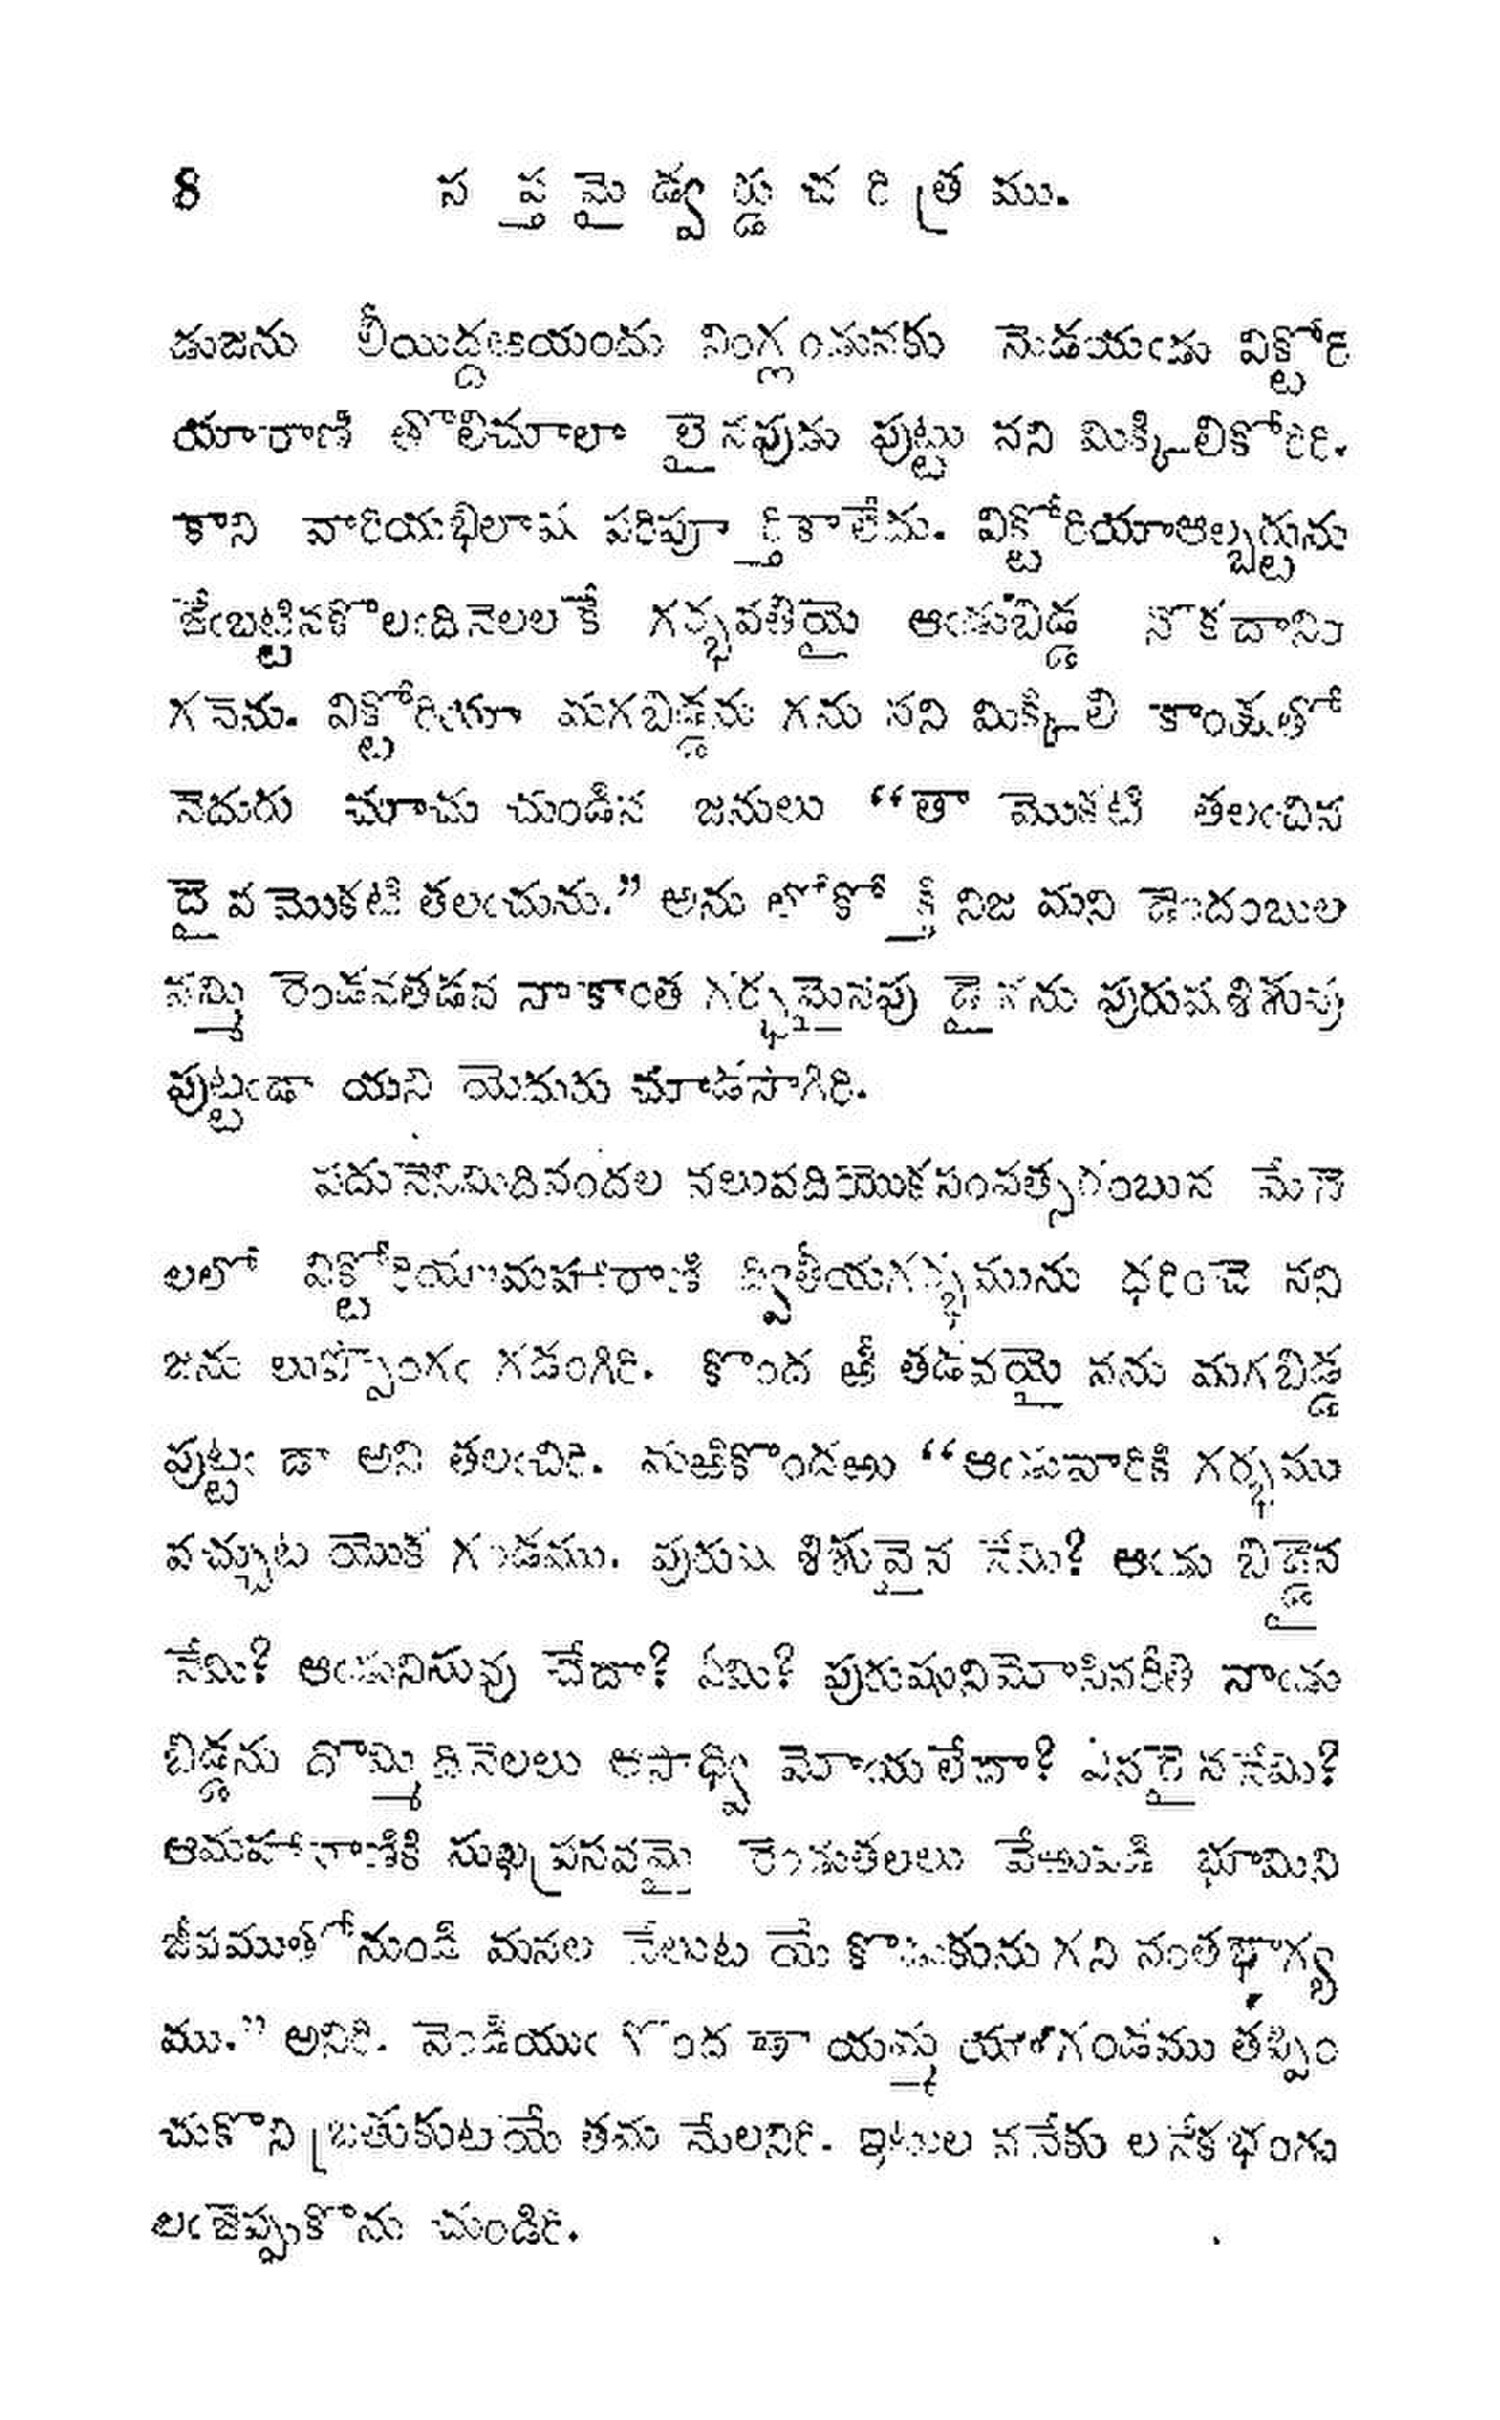డజను లీయిద్ద ఱయందు నింగ్లండునకు నేడయఁడు విక్టోరియారాణి తొలిచూలా లైనపుడు పుట్టు నని మిక్కిలికోరిరి. కాని వారియ: భిలాష పర్తిపూ కాలేదు. విక్టోరియా ఆల్బర్టును
జేఁబట్టినకొలది నెలల కే గర్భవతియై ఆఁబిడ్డ నొక దానిం గనెను. విక్టోరియా మగబిడ్డను గను నని మిక్కిలి "కాంక్షతో నెదురు చూచు చుండిన జనులు తా మొకటి తలంచిన దైవ మొకటి తలఁచును.” అను లోకోక్తి నిజమని డెందంబుల నమ్మి రెండవతడవ నొకాంత గర్భమైనపు డైనను పురుష శిశువు
పుట్టడా యని యెదురు చూడసాగిరి.

పదునెనుమి దివందల నలువది యొక సంవత్సగుంబున మేనెలలో విక్టోరియు మహారాణి ద్వితీయగర్భమును ధరింవెనని జను లుప్పొంగఁ గడంగిరి. కొందఱీ తడ వయై నను మగ బిడ్డ
పుట్ట: డా" అని తలంచి. మఱికొందరు " అడు వారికి గర్భము వచ్చుట యొక గండము. పురుష శిశువైన నేమి? అను బిడ్డైననేమి? ఆడశిసువు చేదా? ఏమి? పురుషుని మోసిన నాఁడు
బిడ్డను దొమ్మి ది నెలలు ఆ సాధ్వీ మోయ లేదా? ఎనరై? నేమి? ఆమహా రాణికి సుఖ ప్రసవమై, రెండుతలలు వేరు పడి భూమిని జీపము నుండి మనల నేలుట యే కొడుకును గని నంతభాగ్య
ము." అనిరి. వెండియుఁ గొందరాయమ్మను గండము తప్పించుకొని బ్రతుకుటయే తమ మేలని. ఇటుల ననేకు లగేక భంగులఁ జెప్పుకొను చుండిరి.